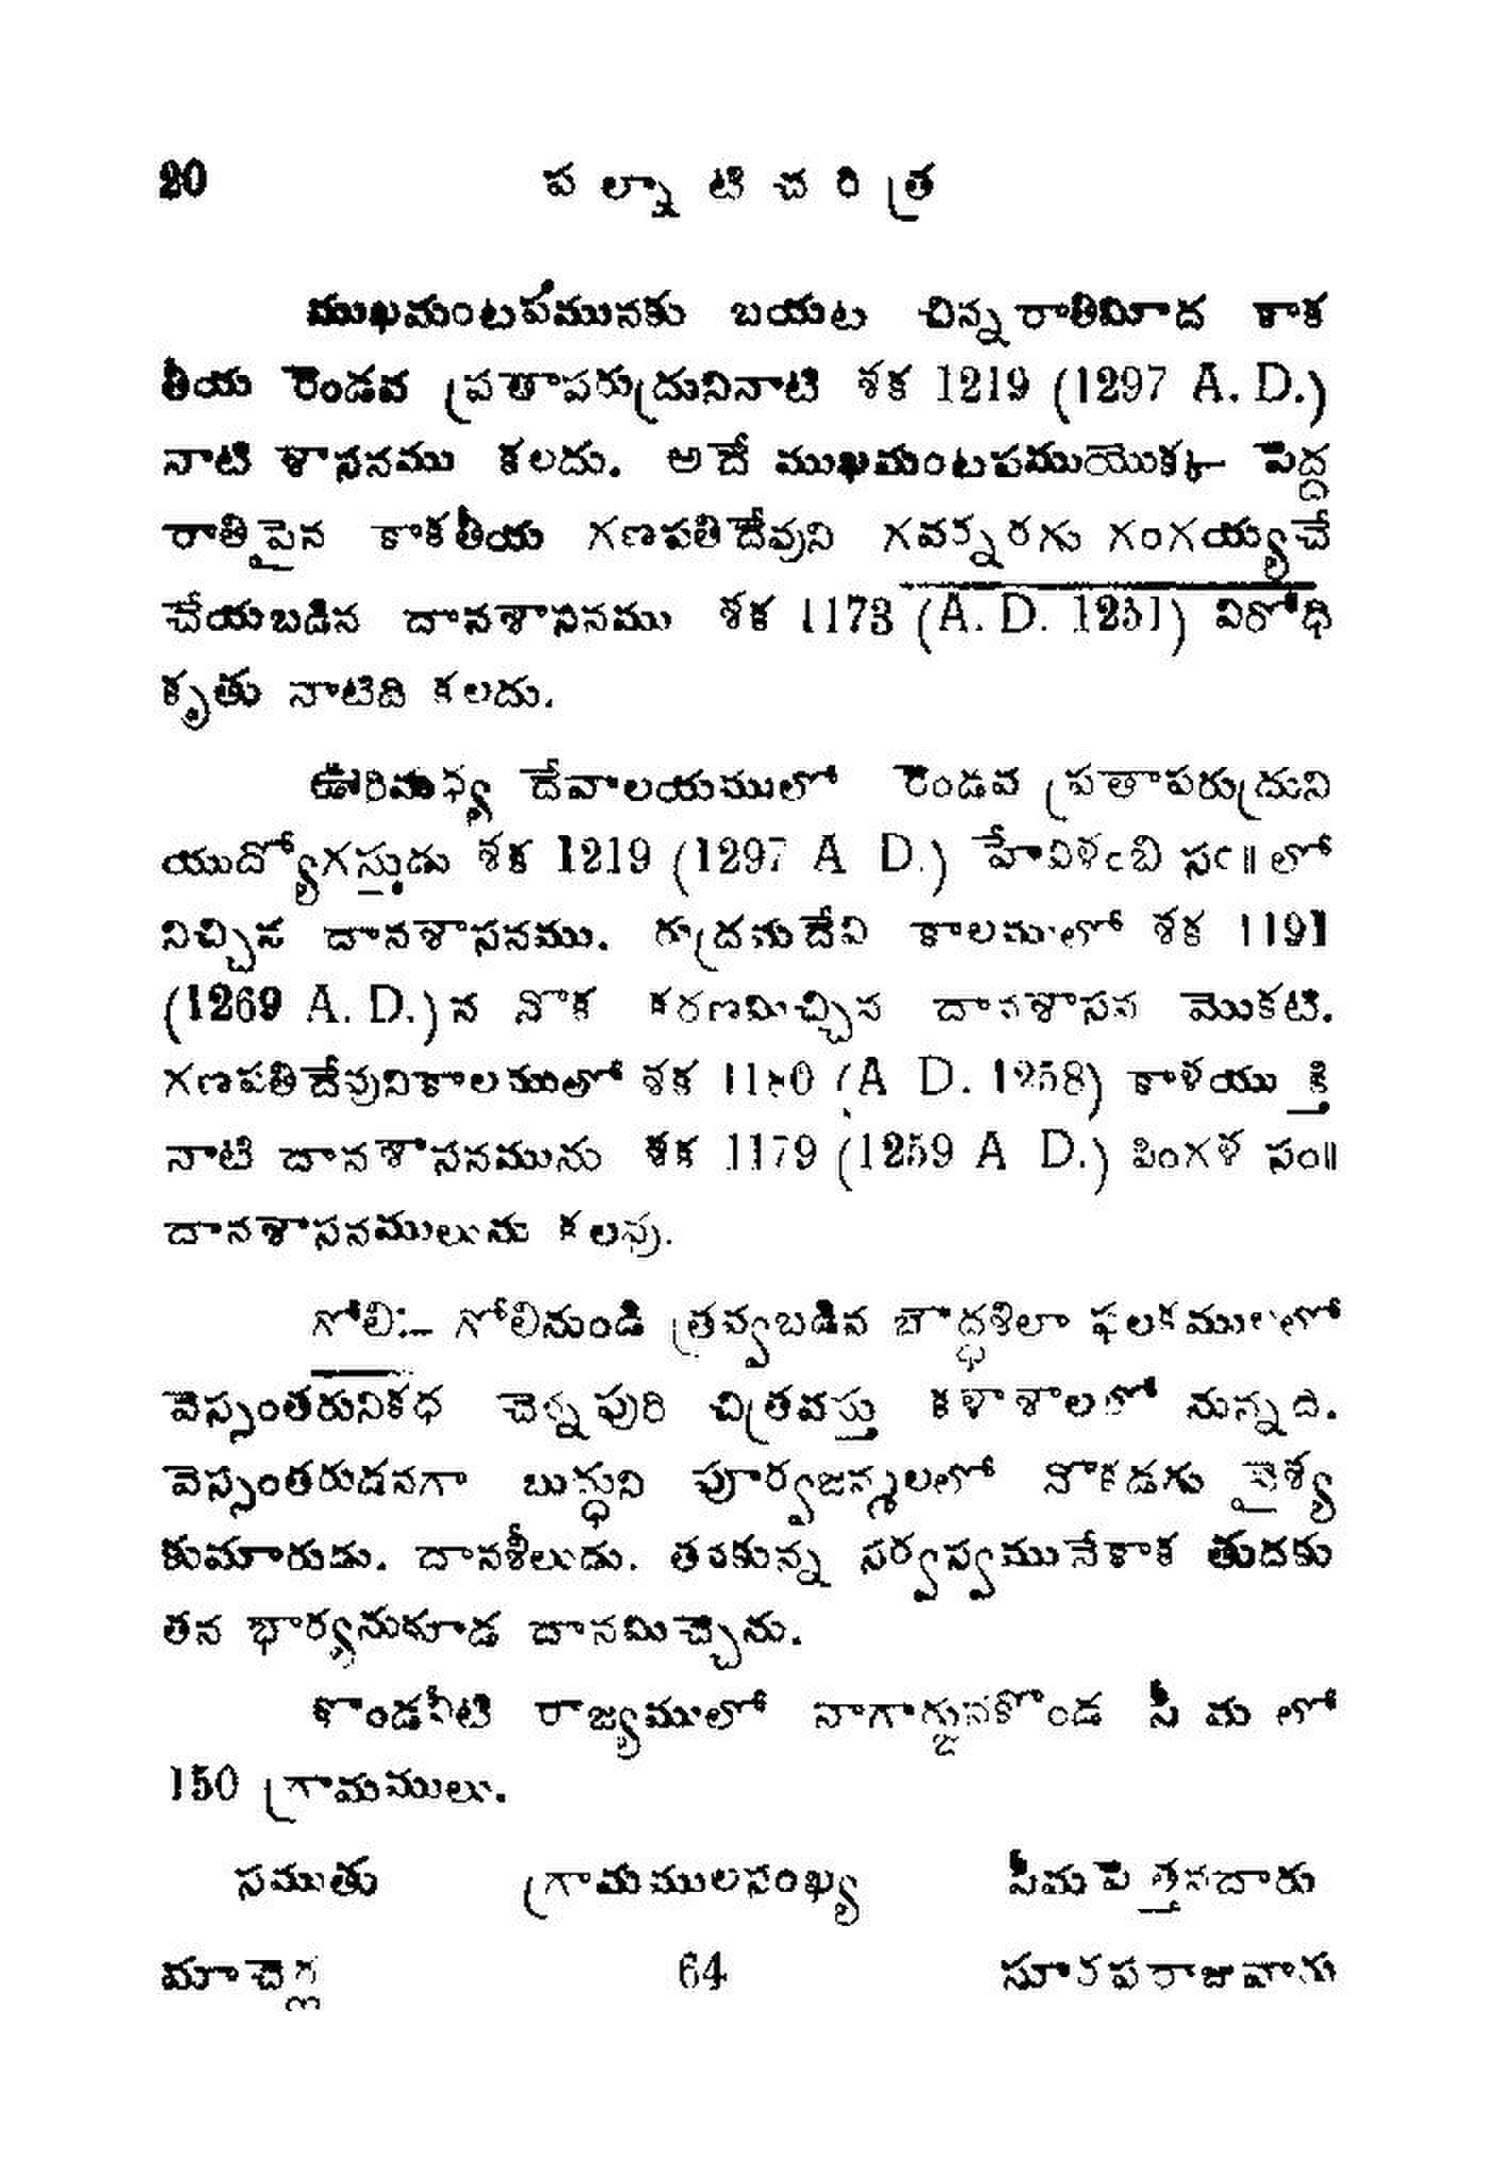ముఖమంటపమునకు బయట చిన్న రాతిమీద కాకతీయ 
రెండవ ప్రతాపరుద్రునినాటి శక 1219 (1297 A.D.)
నాటి శాసనము కలదు. అదే ముఖమంటపముయొక్క పెద్ద
రాతిపైన కాకతీయ గణపతిదేవుని గవర్నరగు గంగయ్యచే
చేయబడిన దానశాసనము శక 1173 (A.D. 1251) విరోధి
కృతు నాటిది కలదు.

ఊరిమధ్య దేవాలయములో రెండవ ప్రతాపరుద్రుని
యుద్యోగస్తుడు శక 1219 (1297 A D.) హేవిళంబి సం॥ లో
నిచ్చిన దానశాసనము. రుద్రమదేవి కాలములో శక 1191]
(1269 A.D.)న నొక కరణమిచ్చిన దానశాసన మొకటి.
గణపతి దేవునికాలములో శక 1180 (A D. 1258) కాళయుక్తి
నాటి దానశాసనమును శశ 1179 (1259 A D.) పింగళ సం॥
దానశాసనములును కలవు.

గోలి:- గోలినుండి త్రవ్వబడిన బౌద్ధశిలా ఫలకములలో
వెస్సంతరునికధ చెన్నపురి చిత్రవస్తు కళాశాలలో నున్నది.
వెస్సంతరుడనగా బుద్ధుని పూర్వజన్మలలో నొకడుగు వైశ్య
కుమారుడు, దానశీలుడు. తనకున్న సర్వస్వము నేకాక తుదకు
తన భార్యను కూడ దానమిచ్చెను.
 
 కొండవీటి రాజ్యములో నాగార్జునకొండ సీమలో 150 గ్రామములు.
 సముతు గ్రామముల సంఖ్య సీమపెత్తనదారు మాచెర్ల 64 సూరపరాజువారు